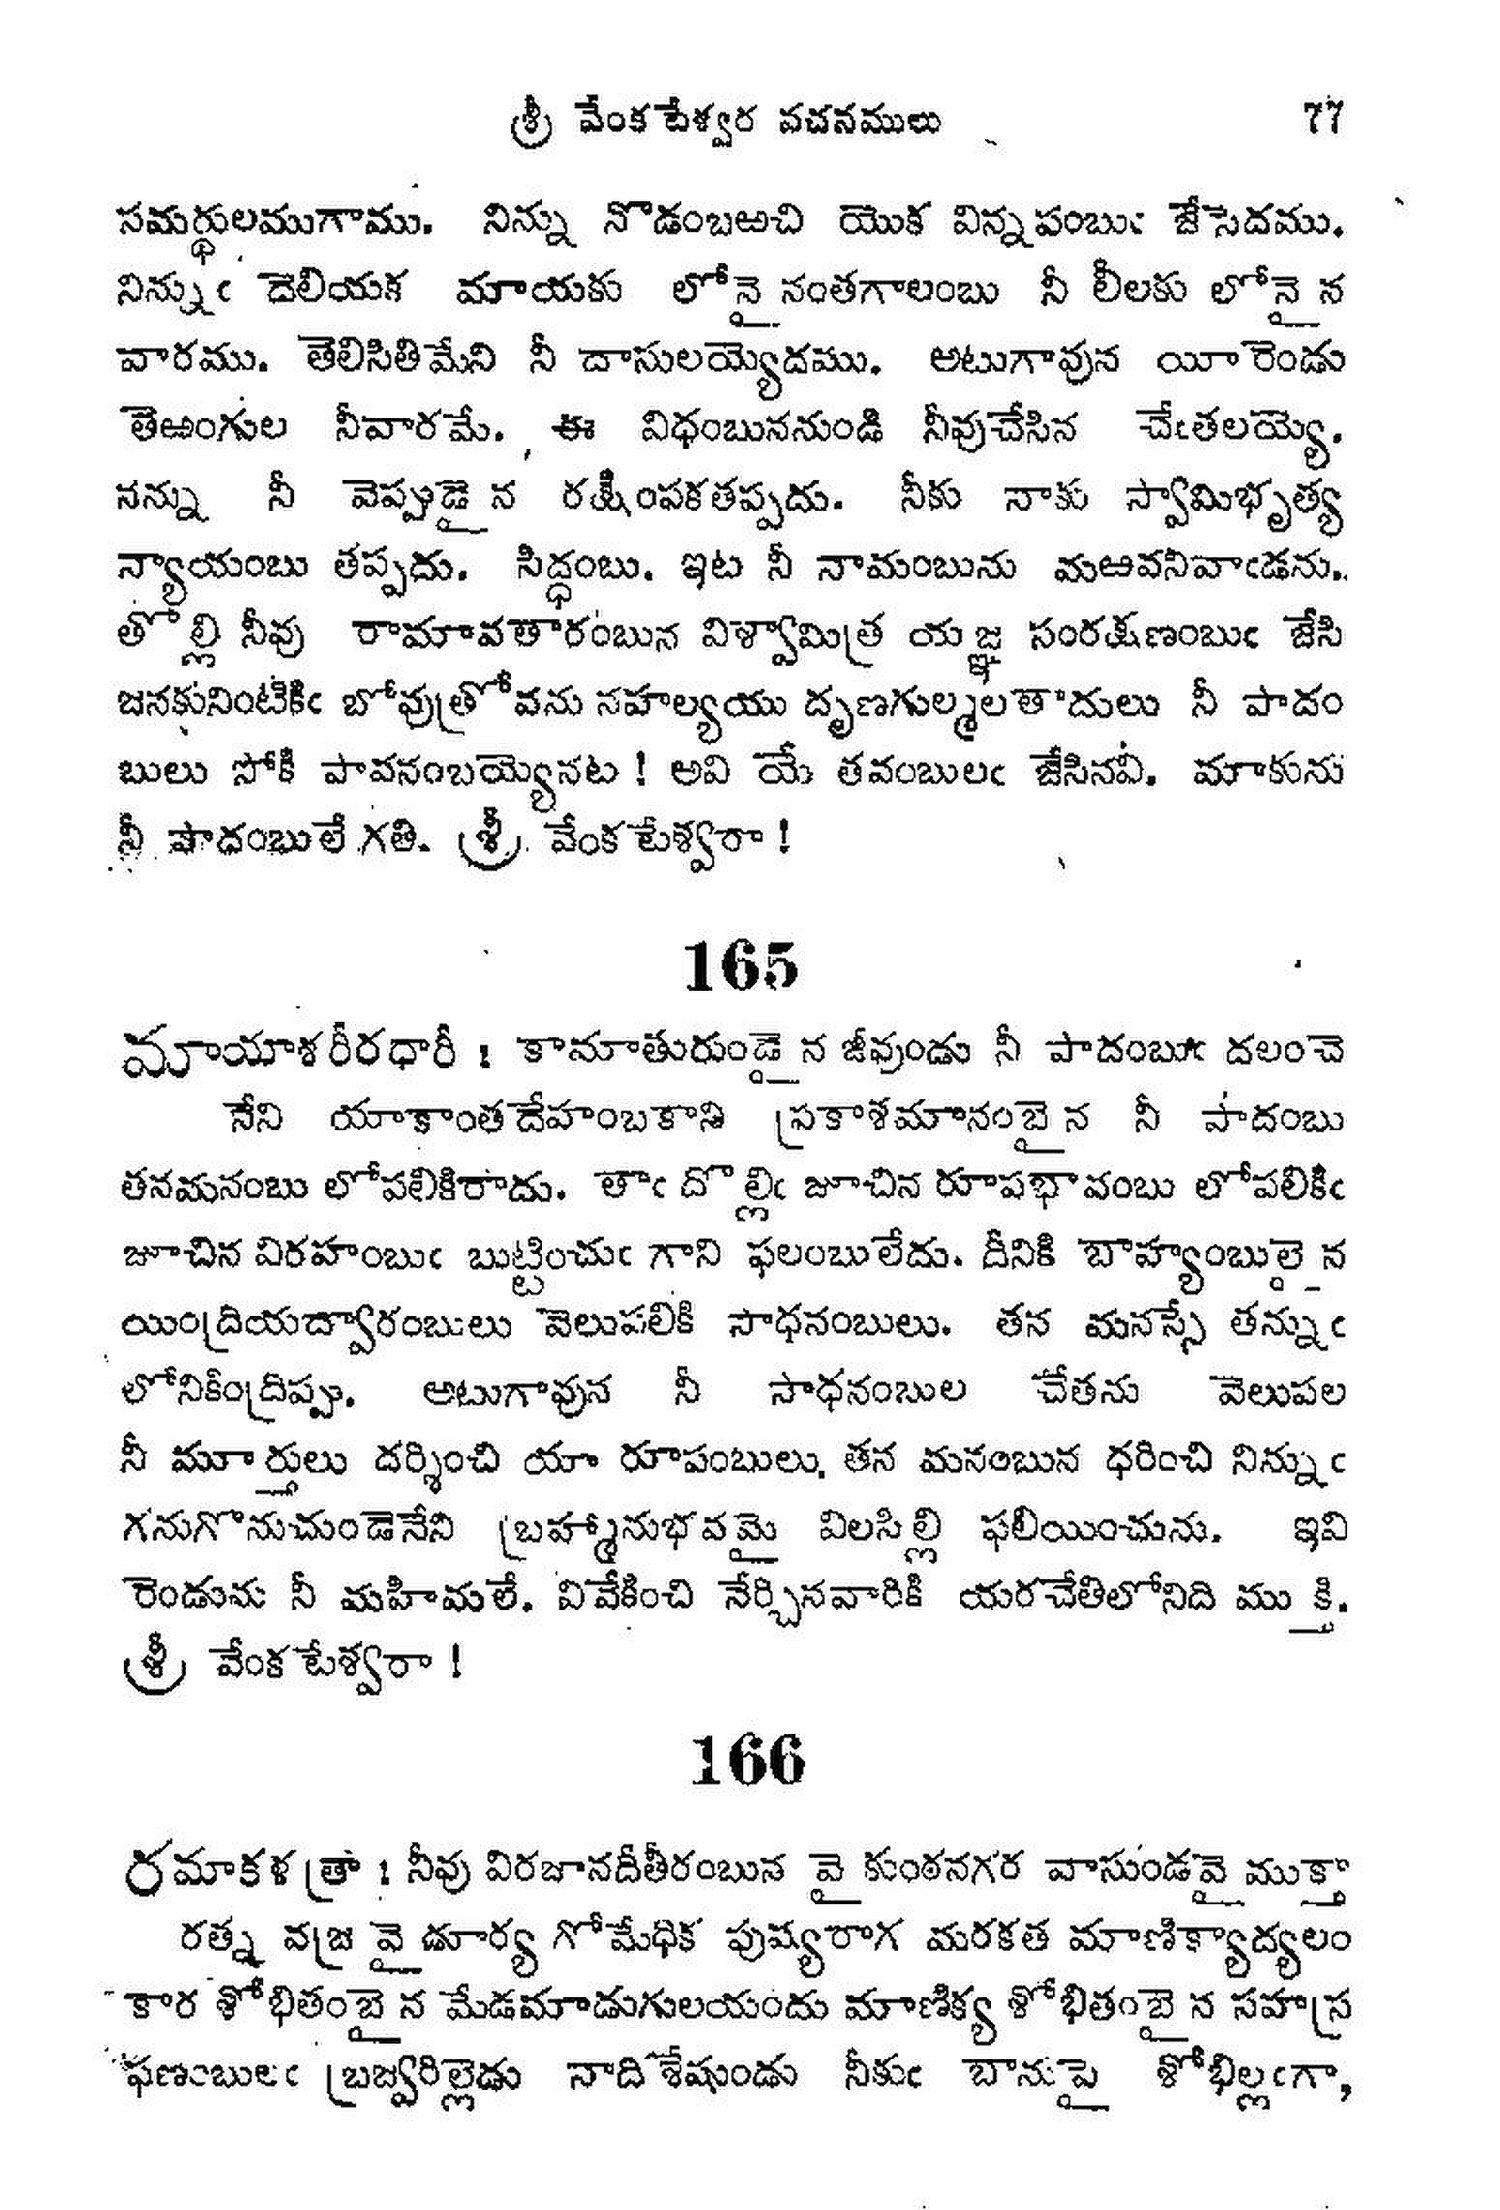సమర్థులముగాము. నిన్ను నొడంబఱచి యొక విన్నపంబుఁ జేసెదము. నిన్నుఁ దెలియక మాయకు లోనైనంతగాలంబు నీ లీలకు లోనైన వారము. తెలిసితిమేని నీ దాసులయ్యెదము. అటుగావున యీ రెండు తెఱంగుల నీవారమే. ఈ విధంబుననుండి నీవుచేసిన చేఁతలయ్యె. నన్ను నీ వెప్పుడైన రక్షింపకతప్పదు. నీకు నాకు స్వామిభృత్య న్యాయంబు తప్పదు. సిద్ధంబు. ఇట నీ నామంబును మఱవనివాఁడను.. తొల్లి నీవు రామావతారంబున విశ్వామిత్ర యజ్ఞ సంరక్షణంబుఁ జేసి జనకునింటికిఁ బోవుత్రోవను నహల్యయు దృణగుల్మల తాదులు నీ పాదంబులు సోకి పావనంబయ్వెనట ! అవి యే తవంబులఁ జేసినవి. మాకును నీ షాదంబులే గతి. శ్రీ వేంకటేశ్వరా !

165 

మాయాశరీరధారీ ! కామాతురుండై న జీవుండు నీ పాదంబుఁ దలంచెనేని యాకాంతదేహంబకాని ప్రకాశమానంబైన నీ పాదంబు తనమనంబు లోపలికిరాదు. తాఁ దొల్లిఁ జూచిన రూపభావంబు లోపలికిఁ జూచిన విరహంబుఁ బుట్టించుఁ గాని ఫలంబులేదు. దీనికి బాహ్యంబులైన యింద్రియద్వారంబులు వెలుపలికి సాధనంబులు. తన మనస్సే తన్నుఁ లోనికింద్రిప్పు. అటుగావున నీ సాధనంబుల చేతను వెలుపల నీ మూర్తులు దర్శించి యా రూపంబులు, తన మనంబున ధరించి నిన్నుఁ గనుగొనుచుండెనేని బ్రహ్మానుభవమై విలసిల్లి ఫలియించును. ఇవి రెండును నీ మహిమలే. వివేకించి నేర్చినవారికి యరచేతిలోనిది ముక్తి. శ్రీ వేంకటేశ్వరా !

166 

రమాకళత్రా ! నీవు విరజానదీతీరంబున వైకుంఠనగర వాసుండవై ముక్తా రత్న వజ్ర వైడూర్య గోమేధిక పుష్యరాగ మరకత మాణిక్యాద్యలంకార శోభితంబైన మేడమాడుగులయందు మాణిక్య శోభితంబైన సహస్ర 'ఫణంబులఁ బ్రజ్వరిల్లెడు నాది శేషుండు నీకుఁ బానుపై శోభిల్లఁగా,